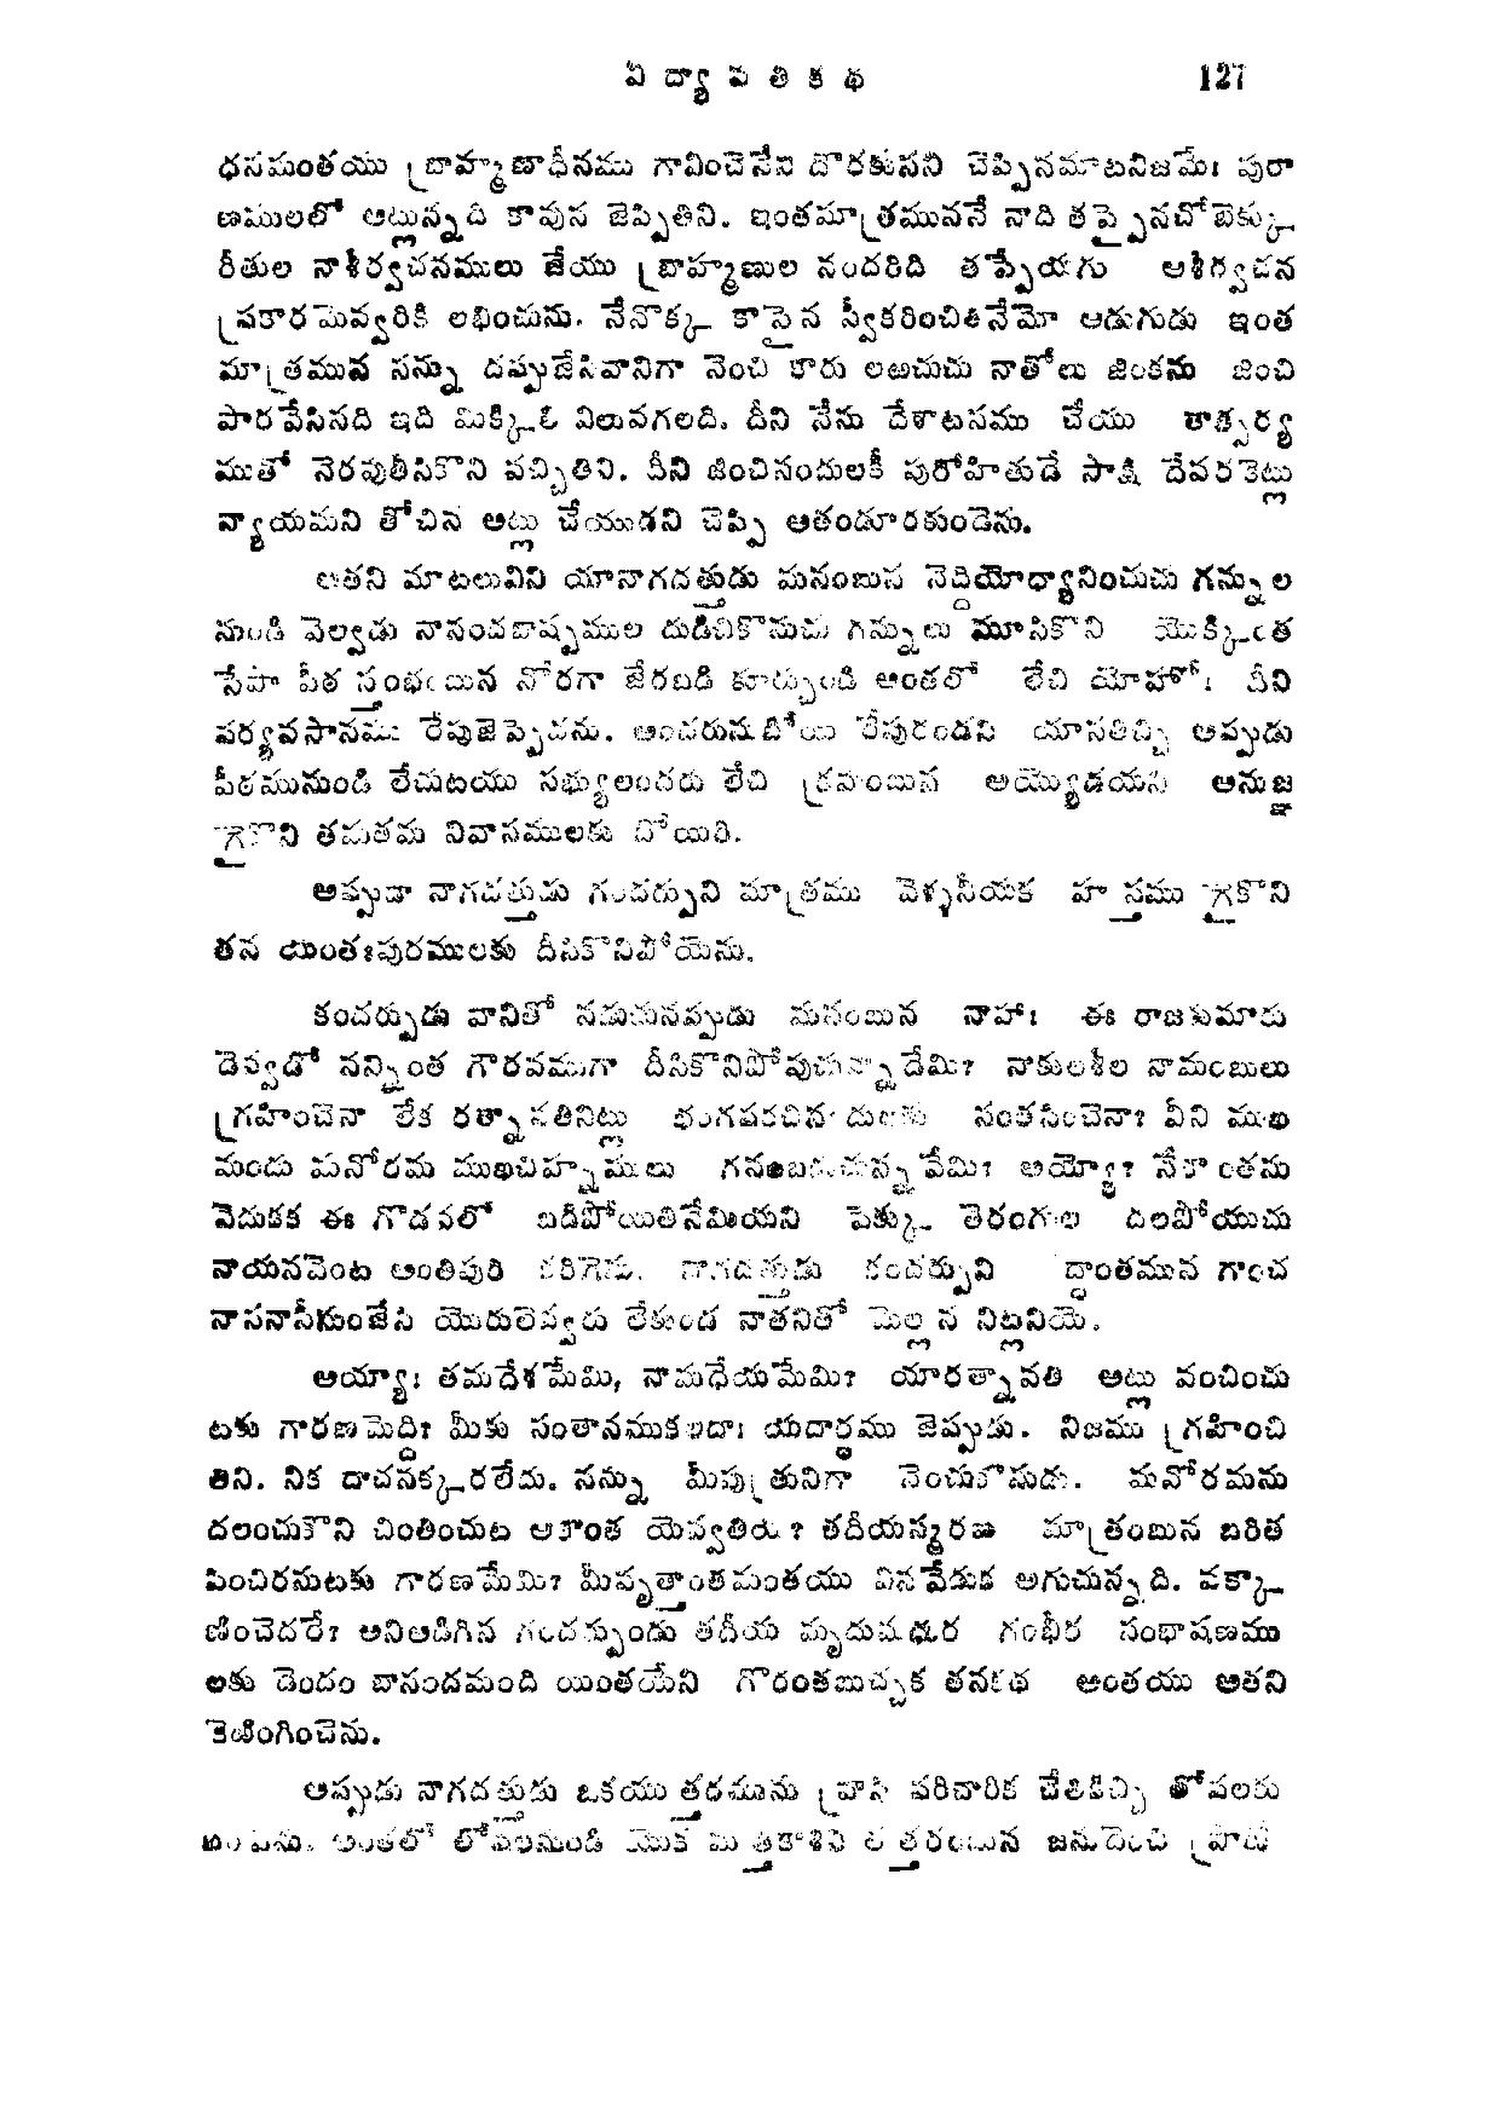ధనమంతయు బ్రాహ్మణాధీనము గావించెనేని దొరకునని చెప్పినమాటనిజమే! పురాణములలో అట్లున్నది కావున జెప్పితిని. ఇంతమాత్రముననే నాది తప్పైనచో బెక్కురీతుల నాశీర్వచనములు జేయు బ్రాహ్మణుల నందరిది తప్పేయగు ఆశీర్వచనప్రకార మెవ్వరికి లభించును. నే నొక్కకాసైన స్వీకరించితినేమో అడుగుడు ఇంత మాత్రమువ నన్ను దప్పుజేసినవానిగా నెంచి కారు లఱచుచు నాతోలుజింకను జించి పారవేసినది ఇది మిక్కిలి విలువగలది. దీని నేను దేశాటనము చేయు తాత్పర్యముతో నెరపుతీసికొని వచ్చితిని. దీని జించినందులకీ పురోహితుడే సాక్షి దేవర కెట్లు న్యాయమని తోచిన అట్లు చేయుడని చెప్పి అతం డూరకుండెను.

అతని మాటలువిని యానాగదత్తుడు మనంబున నెద్దియో ధ్యానించుచు గన్నుల నుండి వెల్వడు నానందబాష్పముల దుడిచికొనుచు గన్నులు మూసికొని యొక్కింతసే పాపీఠస్తంభంబున నోరగా జేరబడి కూర్చుండి అంతలో లేచి యోహో! దీని పర్యవసానము రేపుజెప్పెదను. అందరును బోయి రేపు రండని యానతిచ్చి అప్పుడు పీఠమునుండి లేచుటయు సభ్యులందరు లేచి క్రమంబున అయ్యొడయని అనుజ్ఞ గైకొని తమతమ నివాసములకు బోయిరి.

అప్పుడా నాగదత్తుడు గందర్పుని మాత్రము వెళ్ళనీయక హస్తము గైకొని తన యంతఃపురములకు దీసికొనిపోయెను.

కందర్పుడు వానితో నడుచునప్పుడు మనంబున నాహా! ఈ రాజకుమారు డెవ్వడో నన్నింత గౌరవముగా దీసికొనిపోవుచున్నాడేమి? నాకులశీలనామంబులు గ్రహించెనా లేక రత్నావతినట్లు భంగపరచినందులకు సంతసించెనా? వీని ముఖమందు మనోరమ ముఖచిహ్నములు గనంబడుచున్న వేమి? అయ్యో? నే కాంతను వెదుకక ఈ గొడవలో బడిపోయితినేమి యని పెక్కుతెరంగుల దలపోయుచు నాయనవెంట అంతిపురి కరిగెను. నాగదత్తుడు కందర్పుని శుద్దాంతమున గాంచనాసనాసీనుం జేసి యొరులెవ్వరు లేకుండ నాతనితో మెల్లన నిట్లనియె.

అయ్యా! తమదేశ మేమి, నామధేయ మేమి? యారత్నావతి అట్లు వంచించుటకు గారణమెద్ది? మీకు సంతానముకలదా? యథార్థము జెప్పుడు. నిజము గ్రహించితిని. నిక దాచనక్కరలేదు. నన్ను మీపుత్రునిగా నెంచుకొనుడు. మనోరమను దలంచుకొని చింతించుట ఆకాంత యెవ్వతియె? తదీయస్మరణమాత్రంబున బరితపించిరనుటకు గారణమేమి? మీవృత్తాంతమంతయు వినవేడుక అగుచున్నది. వక్కాణించెదరే? అనిఅడిగిన గందర్పుండు తదీయమృదుమధురగంభీరసంభాషణములకు డెందం బానందమంది యింతయేని గొరంతబుచ్చక తనకథ అంతయు అతని కెఱింగించెను.

అప్పుడు నాగదత్తుడు ఒకయుత్తరమును వ్రాసి పరిచారిక చేతి కిచ్చి లోపలకు అంపెను. అంతలో 
లోపలనుండి యొక మత్తకాశిని తత్తరంబున జనుదెంచి ప్రాణే